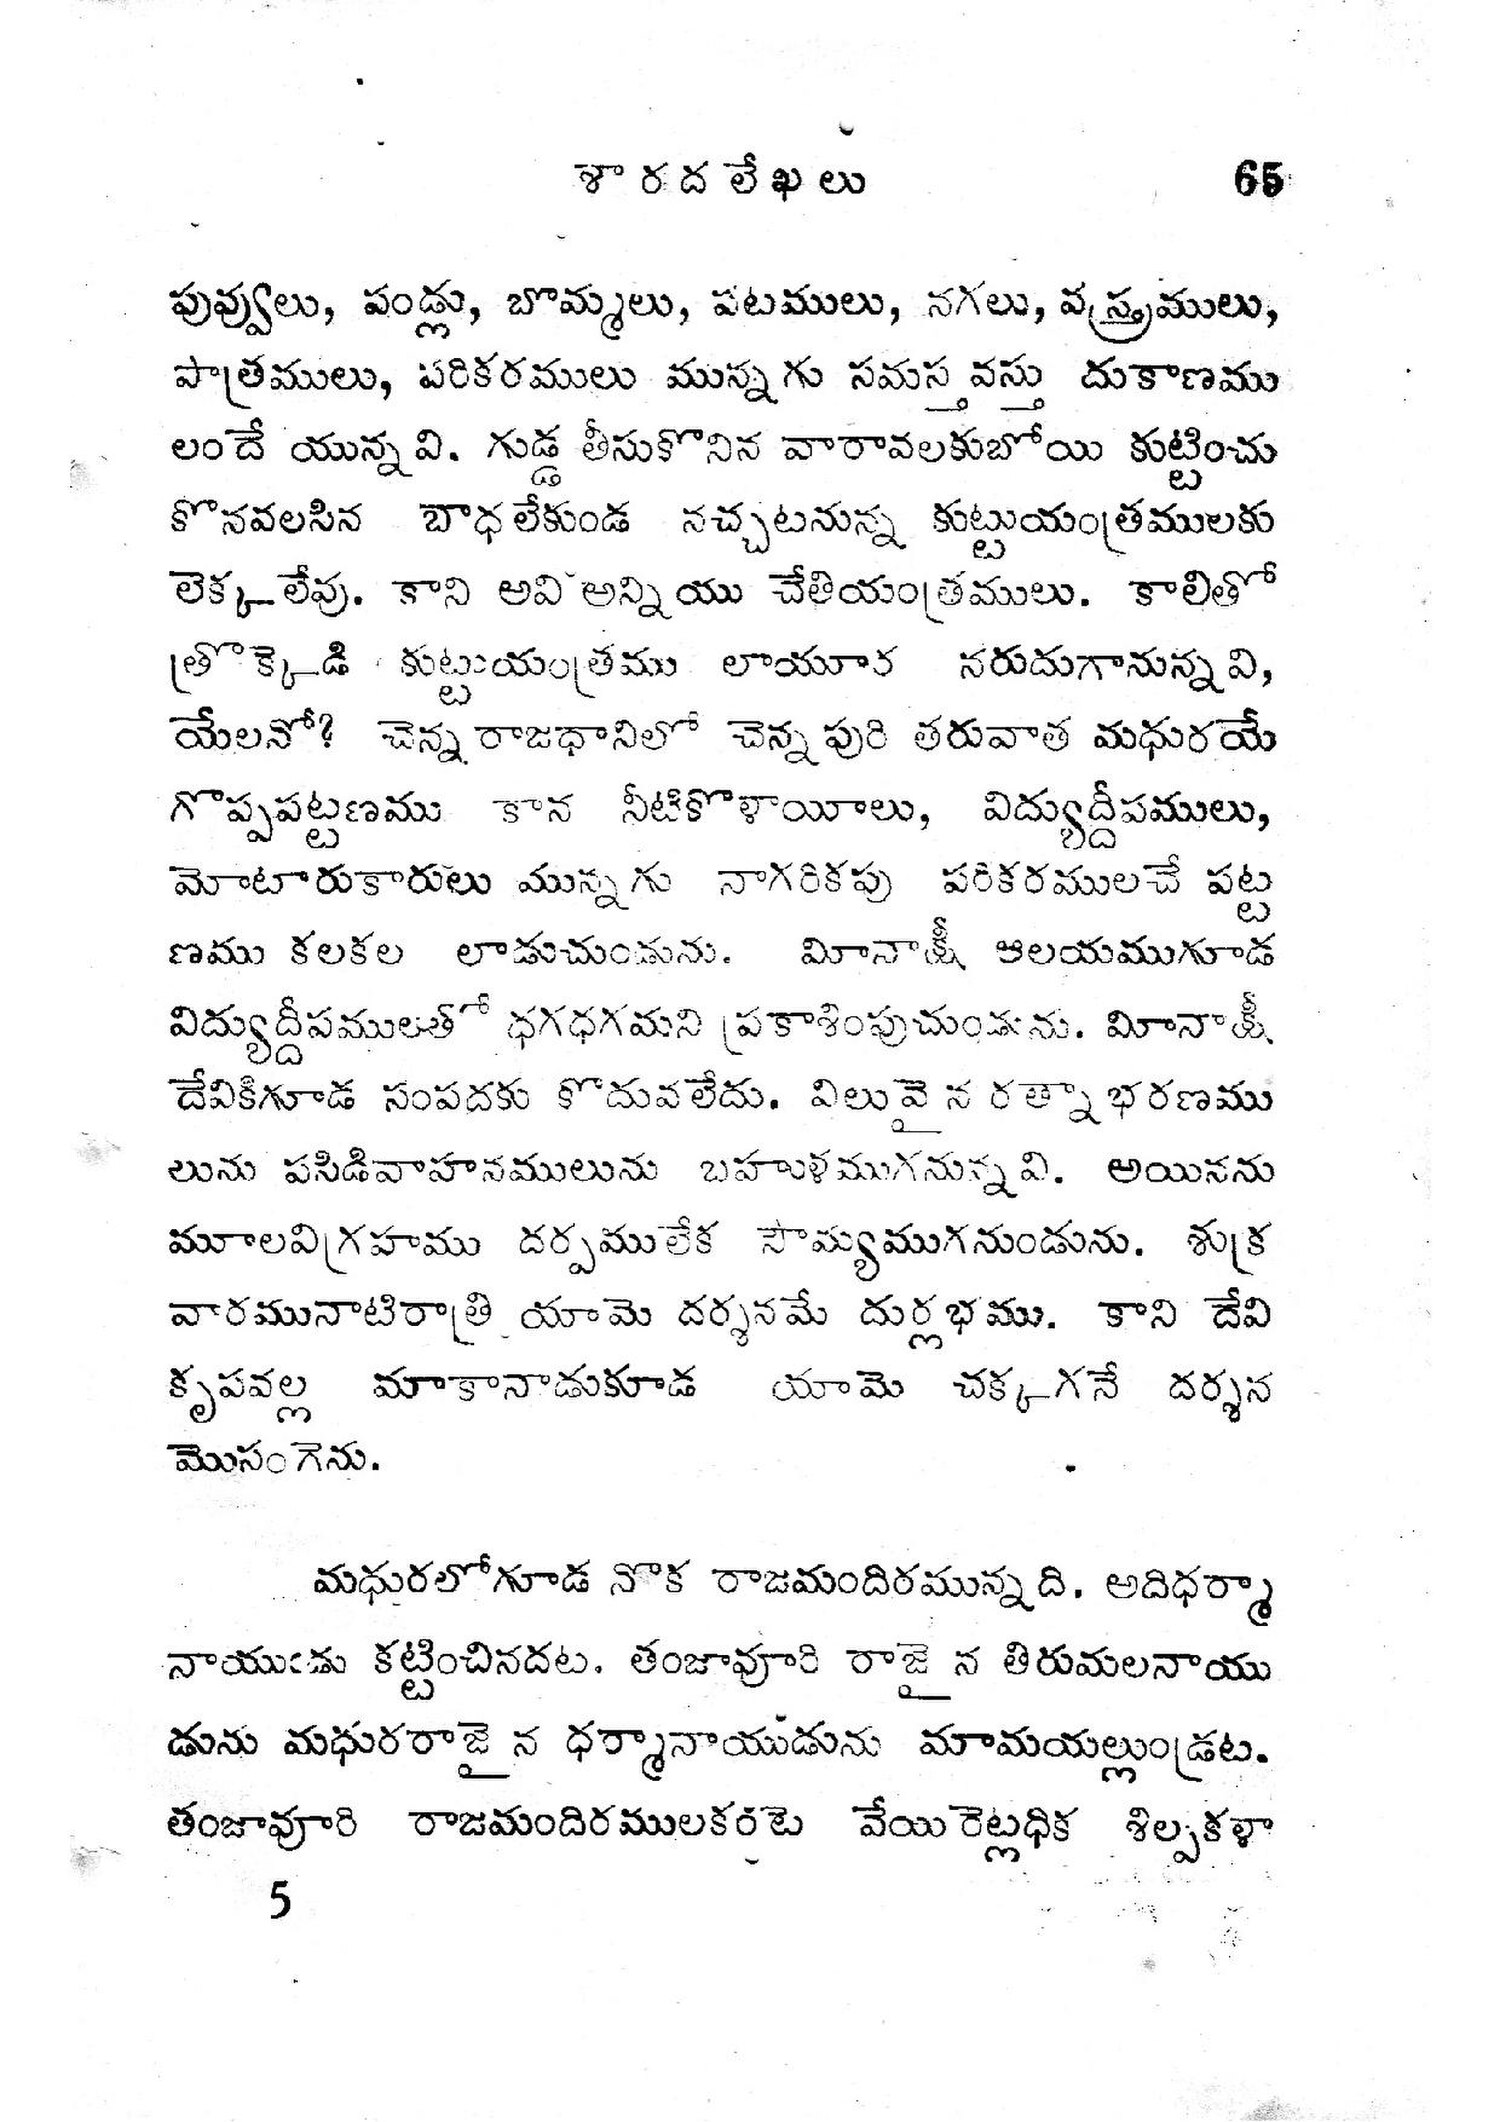పువ్వులు, పండ్లు, బొమ్మలు, పటములు, నగలు, వస్త్రములు, పాత్రములు, పరికరములు మున్నగు సమస్తవస్తు దుకాణము లందే యున్నవి. గుడ్డ తీసుకొనిన వారావలకుబోయి కుట్టించుకొనవలసిన బాధలేకుండ నచ్చటనున్న కుట్టుయంత్రములకు లెక్కలేవు. కాని అవి అన్నియు చేతియంత్రములు. కాలితో
త్రొక్కెడి కుట్టుయంత్రము లాయూర నరుదుగానున్నవి, యేలనో? చెన్న రాజధానిలో చెన్నపురి తరువాత మధురయే గొప్పపట్టణము కాన నీటికొళాయీలు, విద్యుద్దీపములు, మోటారుకారులు మున్నగు నాగరికపు పరికరములచే పట్టణము కలకల లాడుచుండును. మీనాక్షీ ఆలయముగూడ విద్యుద్దీపములతో ధగధగమని ప్రకాశింపుచుండును. మీనాక్షీ దేవికిగూడ సంపదకు కొదువలేదు. విలువైన రత్నాభరణములును పసిడివాహనములును బహుళముగనున్నవి. అయినను మూలవిగ్రహము దర్పములేక సౌమ్యముగనుండును. శుక్రవారమునాటిరాత్రి యామె దర్శనమే దుర్లభము. కాని దేవి కృపవల్ల మాకానాడుకూడ యామె చక్కగనే దర్శన మొసంగెను.

మధురలోగూడ నొక రాజమందిరమున్నది. అదిధర్మానాయుఁడు కట్టించినదట. తంజావూరి రాజైన తిరుమలనాయుడును మధురరాజైన ధర్మానాయుడును మామయల్లుండ్రట. తంజావూరి రాజమందిరములకంటె వేయిరెట్లధిక శిల్పకళా